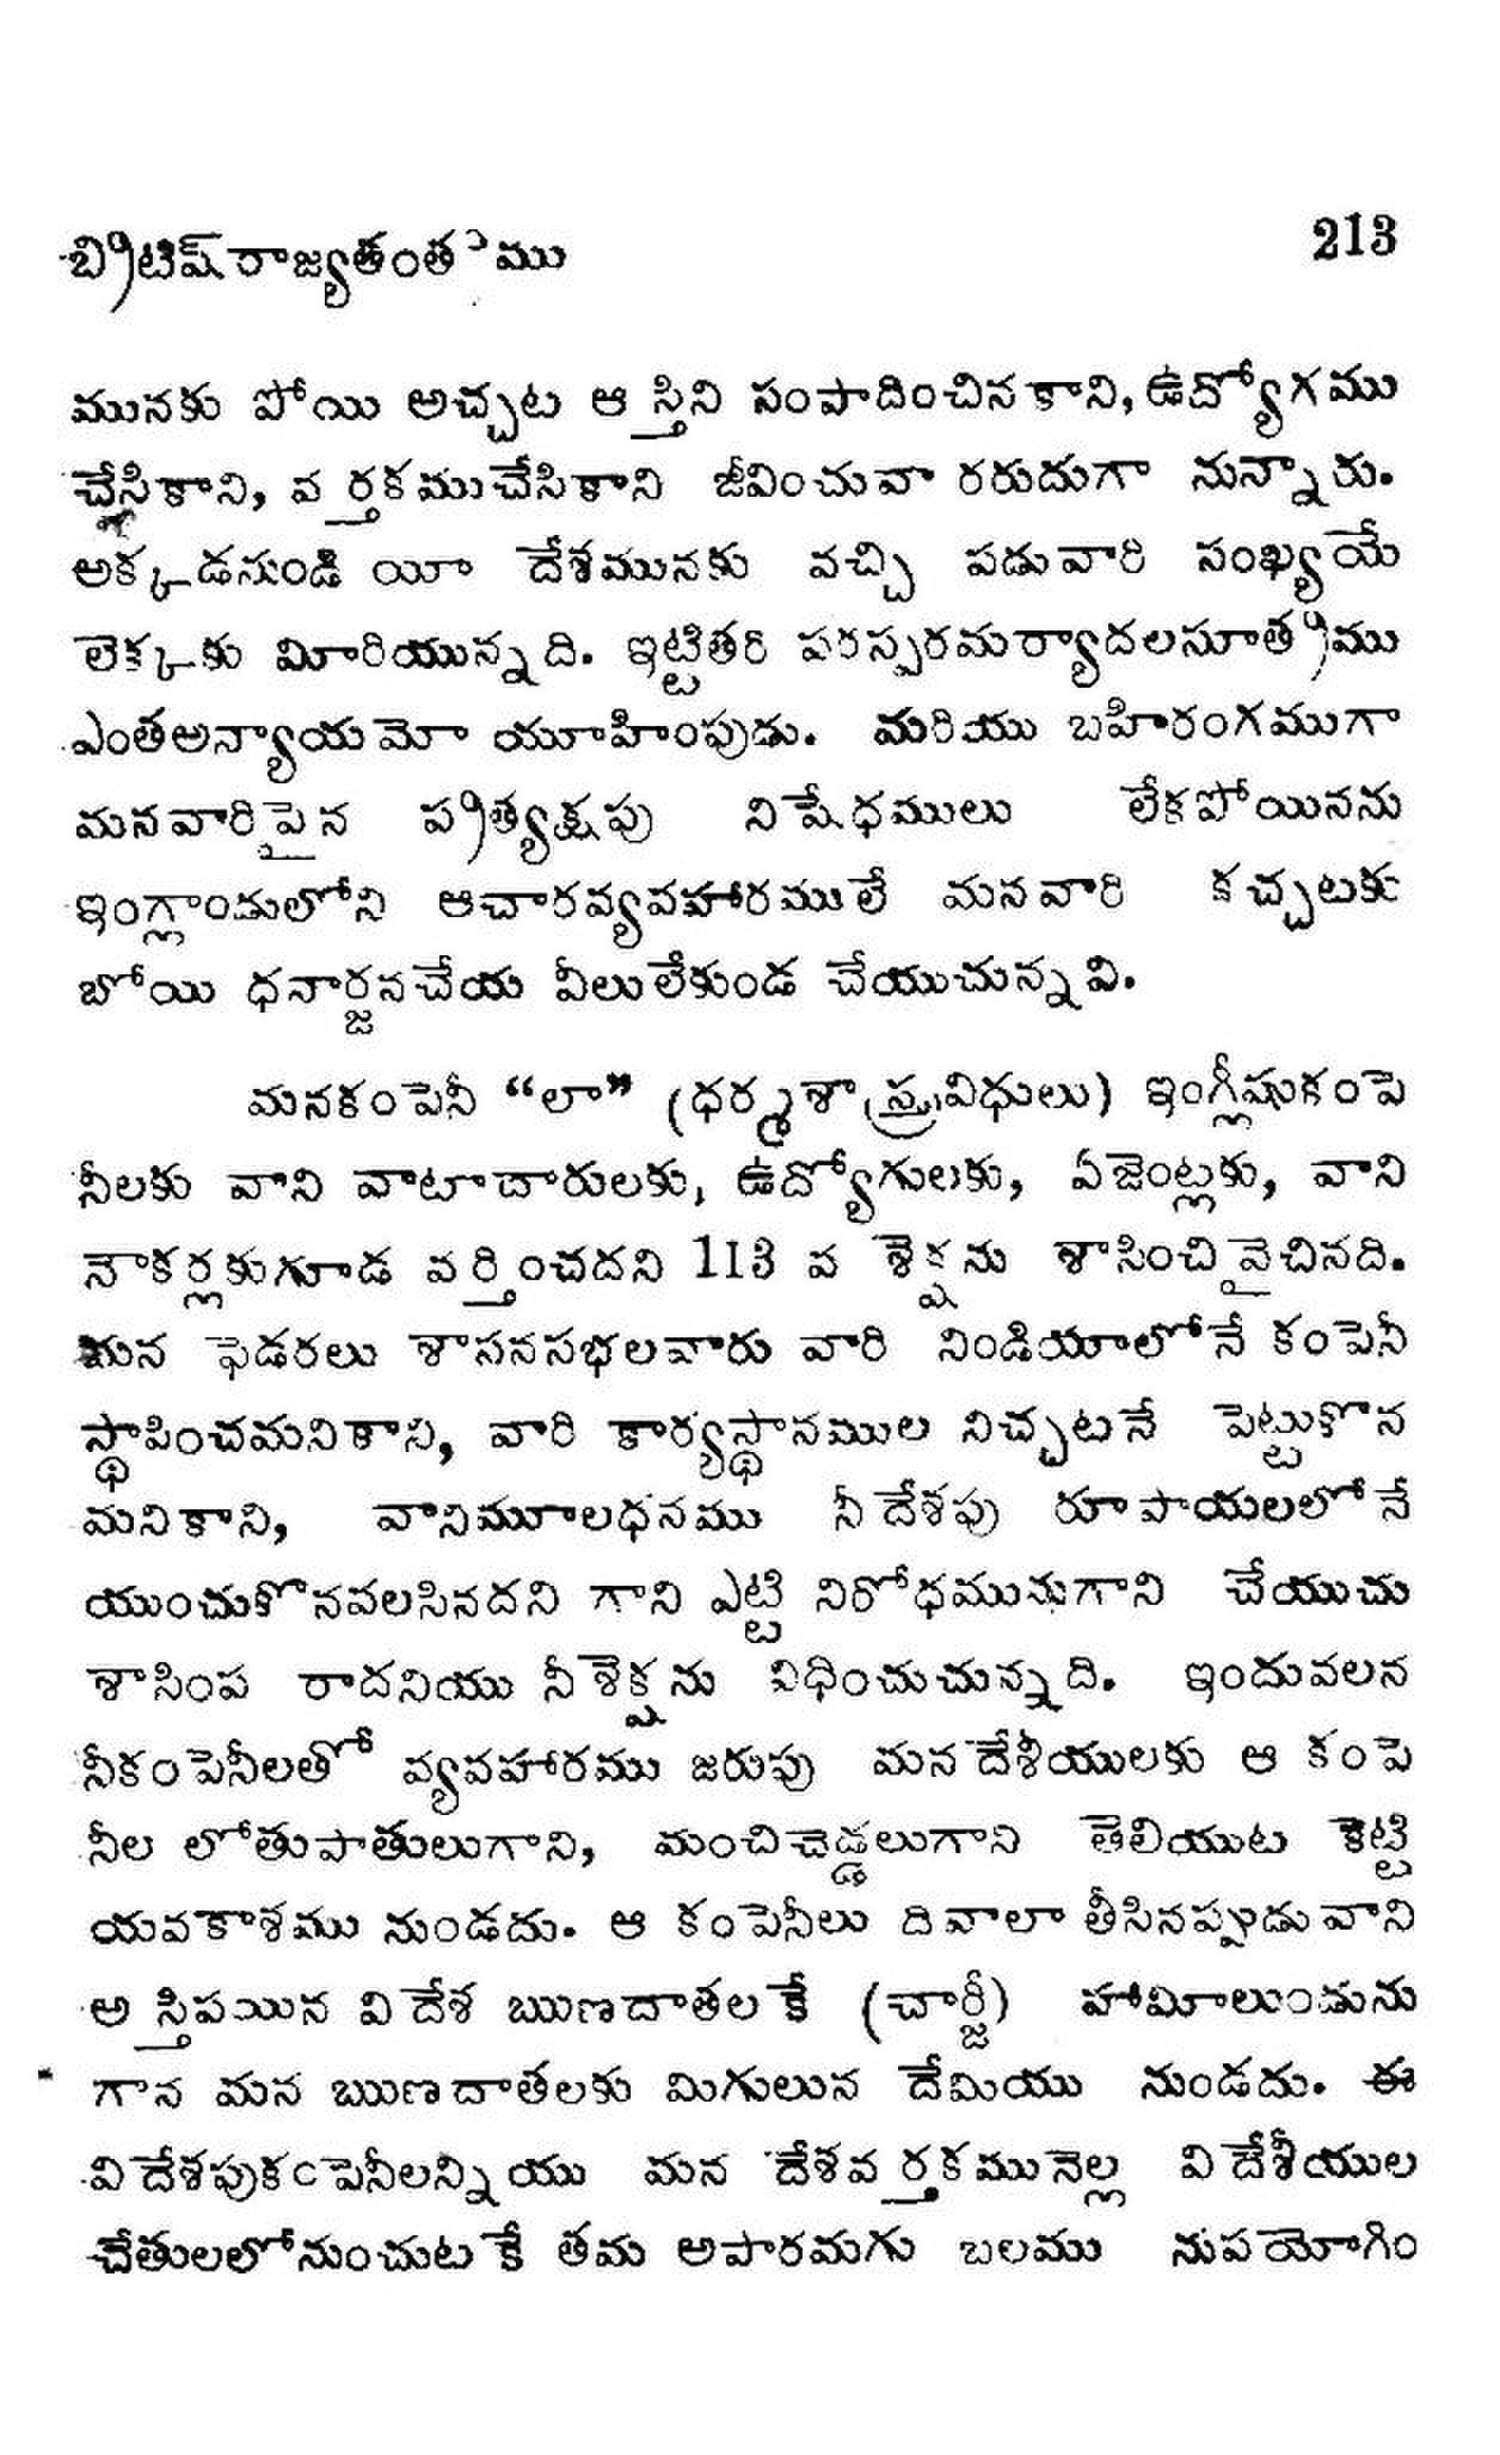మునకు పోయి అచ్చట ఆస్తిని సంపాదించినకాని, ఉద్యోగము చేస్తేకాని, వర్తకముచేసికాని జీవించువా రరుదుగా నున్నారు. అక్కడనుండి యీ దేశమునకు వచ్చి పడువారి సంఖ్యయే లెక్కకు మీరియున్నది. ఇట్టితరి పరస్పరమర్యాదలసూత్రము ఎంతఅన్యాయమో యూహింపుడు. మరియు బహిరంగముగా మనవారిపైన ప్రత్యక్షపు నిషేధములు లేకపోయినను ఇంగ్లాండులోని ఆచారవ్యవహారములే మనవారి కచ్చటకుబోయి ధనార్జనచేయ వీలులేకుండ చేయుచున్నవి.

మనకంపెనీ “లా” (ధర్మశాస్త్రవిధులు) ఇంగ్లీషుకంపెనీలకు వాని వాటాదారులకు, ఉద్యోగులకు, ఏజెంట్లకు, వాని నౌకర్లకుగూడ వర్తించదని 113 వ శెక్షను శాసించివైచినది. మన ఫెడరలు శాసనసభలవారు వారి నిండియాలోనే కంపెనీ స్థాపించమనికాని, వారి కార్యస్థానముల నిచ్చటనే పెట్టుకొనమనికాని, వానిమూలధనము నీదేశపు రూపాయలలోనే యుంచుకొనవలసినదని గాని ఎట్టి నిరోధమునుగాని చేయుచు శాసింప రాదనియు నీశెక్షను విధించుచున్నది. ఇందువలన నీకంపెనీలతో వ్యవహారము జరుపు మనదేశీయులకు ఆ కంపెనీల లోతుపాతులుగాని, మంచిచెడ్డలుగాని తెలియుట కెట్టి యవకాశము నుండదు. ఆ కంపెనీలు దివాలా తీసినప్పుడువాని అస్తిపయిన విదేశ ఋణదాతలకే (చార్టీ) హామీలుండును గాన మన ఋణదాతలకు మిగులున దేమియు నుండదు. ఈ విదేశపుకంపెనీలన్నీయు మన దేశవర్తకమునెల్ల విదేశీయుల చేతులలోనుంచుటకే తమ అపారమగు బలము నుపయోగిం